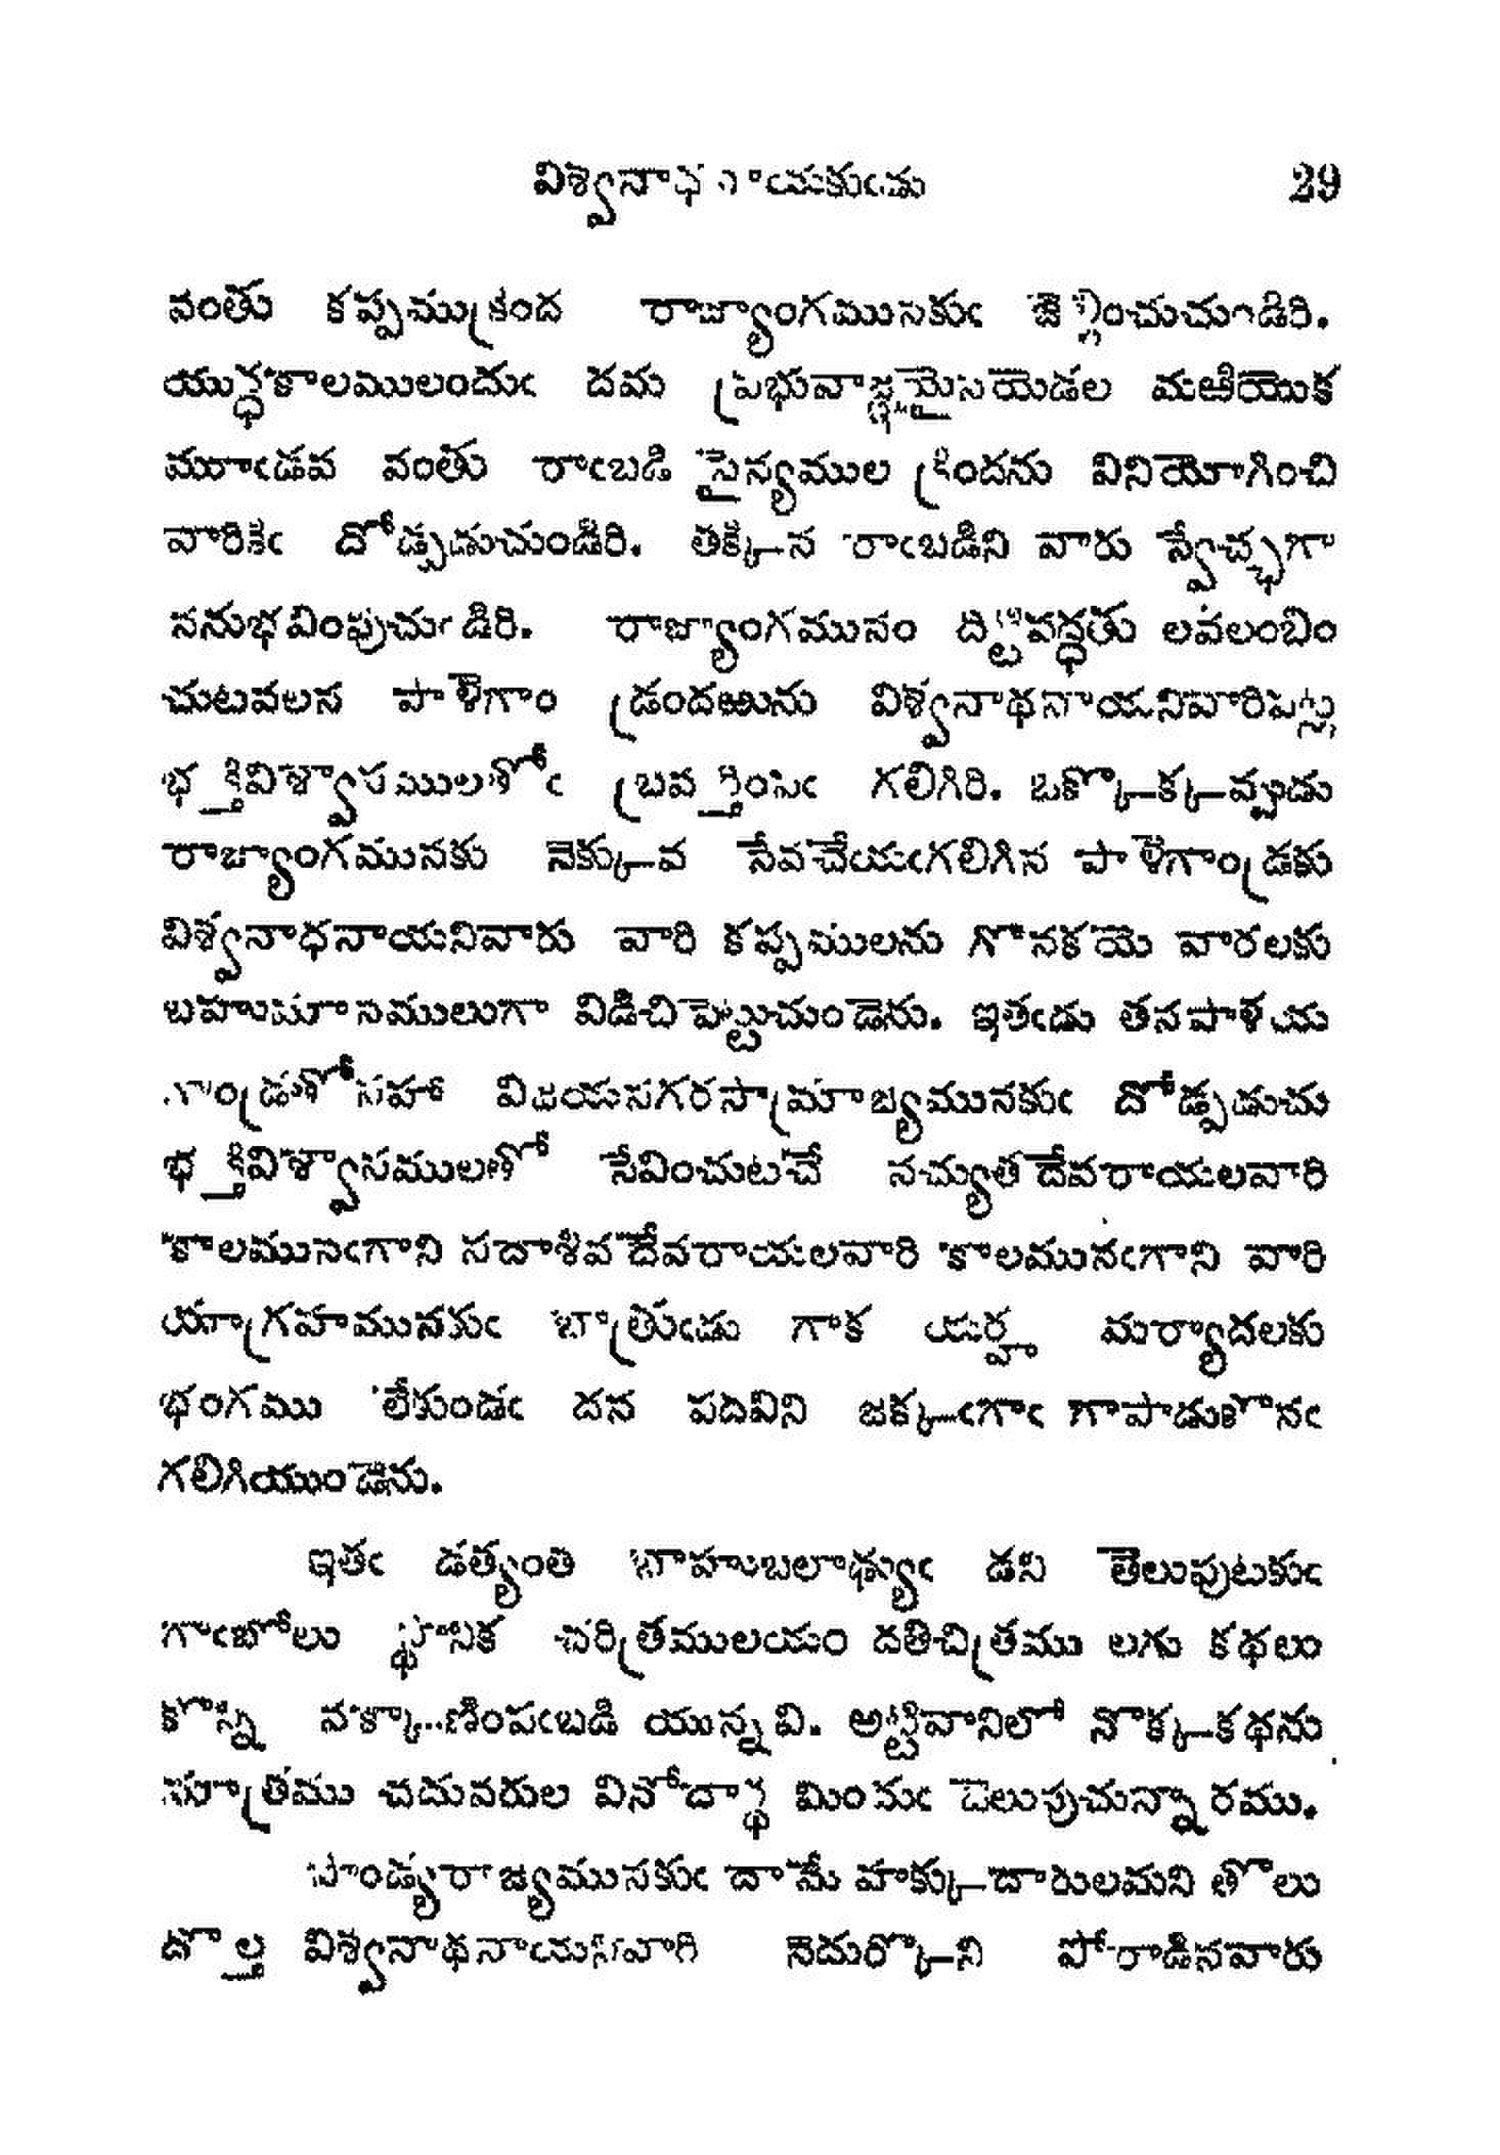వంతు కప్పముక్రింద రాజ్యాంగమునకుఁ జెల్లించుచుండిరి. యుద్ధకాలములందుఁ దమ ప్రభువాజ్ఞయైనయెడల మఱియొక మూఁడవ వంతు రాఁబడి సైన్యముల క్రిందను వినియోగించి వారికిఁ దోడ్పడుచుండిరి. తక్కిన రాఁబడిని వారు స్వేచ్ఛగా ననుభవింపుచుండిరి. రాజ్యాంగమునం దిట్టిపద్ధతు లవలంబించుటవలన పాళెగాం డ్రందఱును విశ్వనాథనాయనివారిపట్ల భక్తివిశ్వాసములతోఁ బ్రవర్తింపఁ గలిగిరి. ఒక్కొక్కప్పుడు రాజ్యాంగమునకు నెక్కువ సేవచేయఁగలిగిన పాళెగాండ్రకు విశ్వనాథనాయనివారు వారి కప్పములను గొనకయె వారలకు బహుమానములుగా విడిచిపెట్టుచుండెను. ఇతఁడు తనపాళయగాండ్రతోసహా విజయనగరసామ్రాజ్యమునకుఁ దోడ్పడుచు భక్తివిశ్వాసములతో సేవించుటచే నచ్యుతదేవరాయలవారి కాలమునఁగాని సదాశివదేవరాయలవారి కాలమునఁగాని వారి యాగ్రహమునకుఁ బాత్రుఁడు గాక యర్హ మర్యాదలకు భంగము లేకుండఁ దన పదవిని జక్కఁగాఁ గాపాడుకొనఁ గలిగియుండెను.

ఇత డత్యంత బాహుబలాఢ్యుఁ డని తెలుపుటకుఁ గాఁబోలు స్థానిక చరిత్రములయం దతిచిత్రము లగు కథలు కొన్ని వక్కాణింపఁబడి యున్నవి. అట్టివానిలో నొక్కిఅకథను మాత్రము చదువరుల వినోదార్థ మిందుఁ దెలుపుచున్నారము.

పాండ్యరాజ్యమునకుఁ దామే హక్కు దారులమని తొలుదొల్త విశ్వనాథనాయనివారి నెదుర్కొని పోరాడినవారు